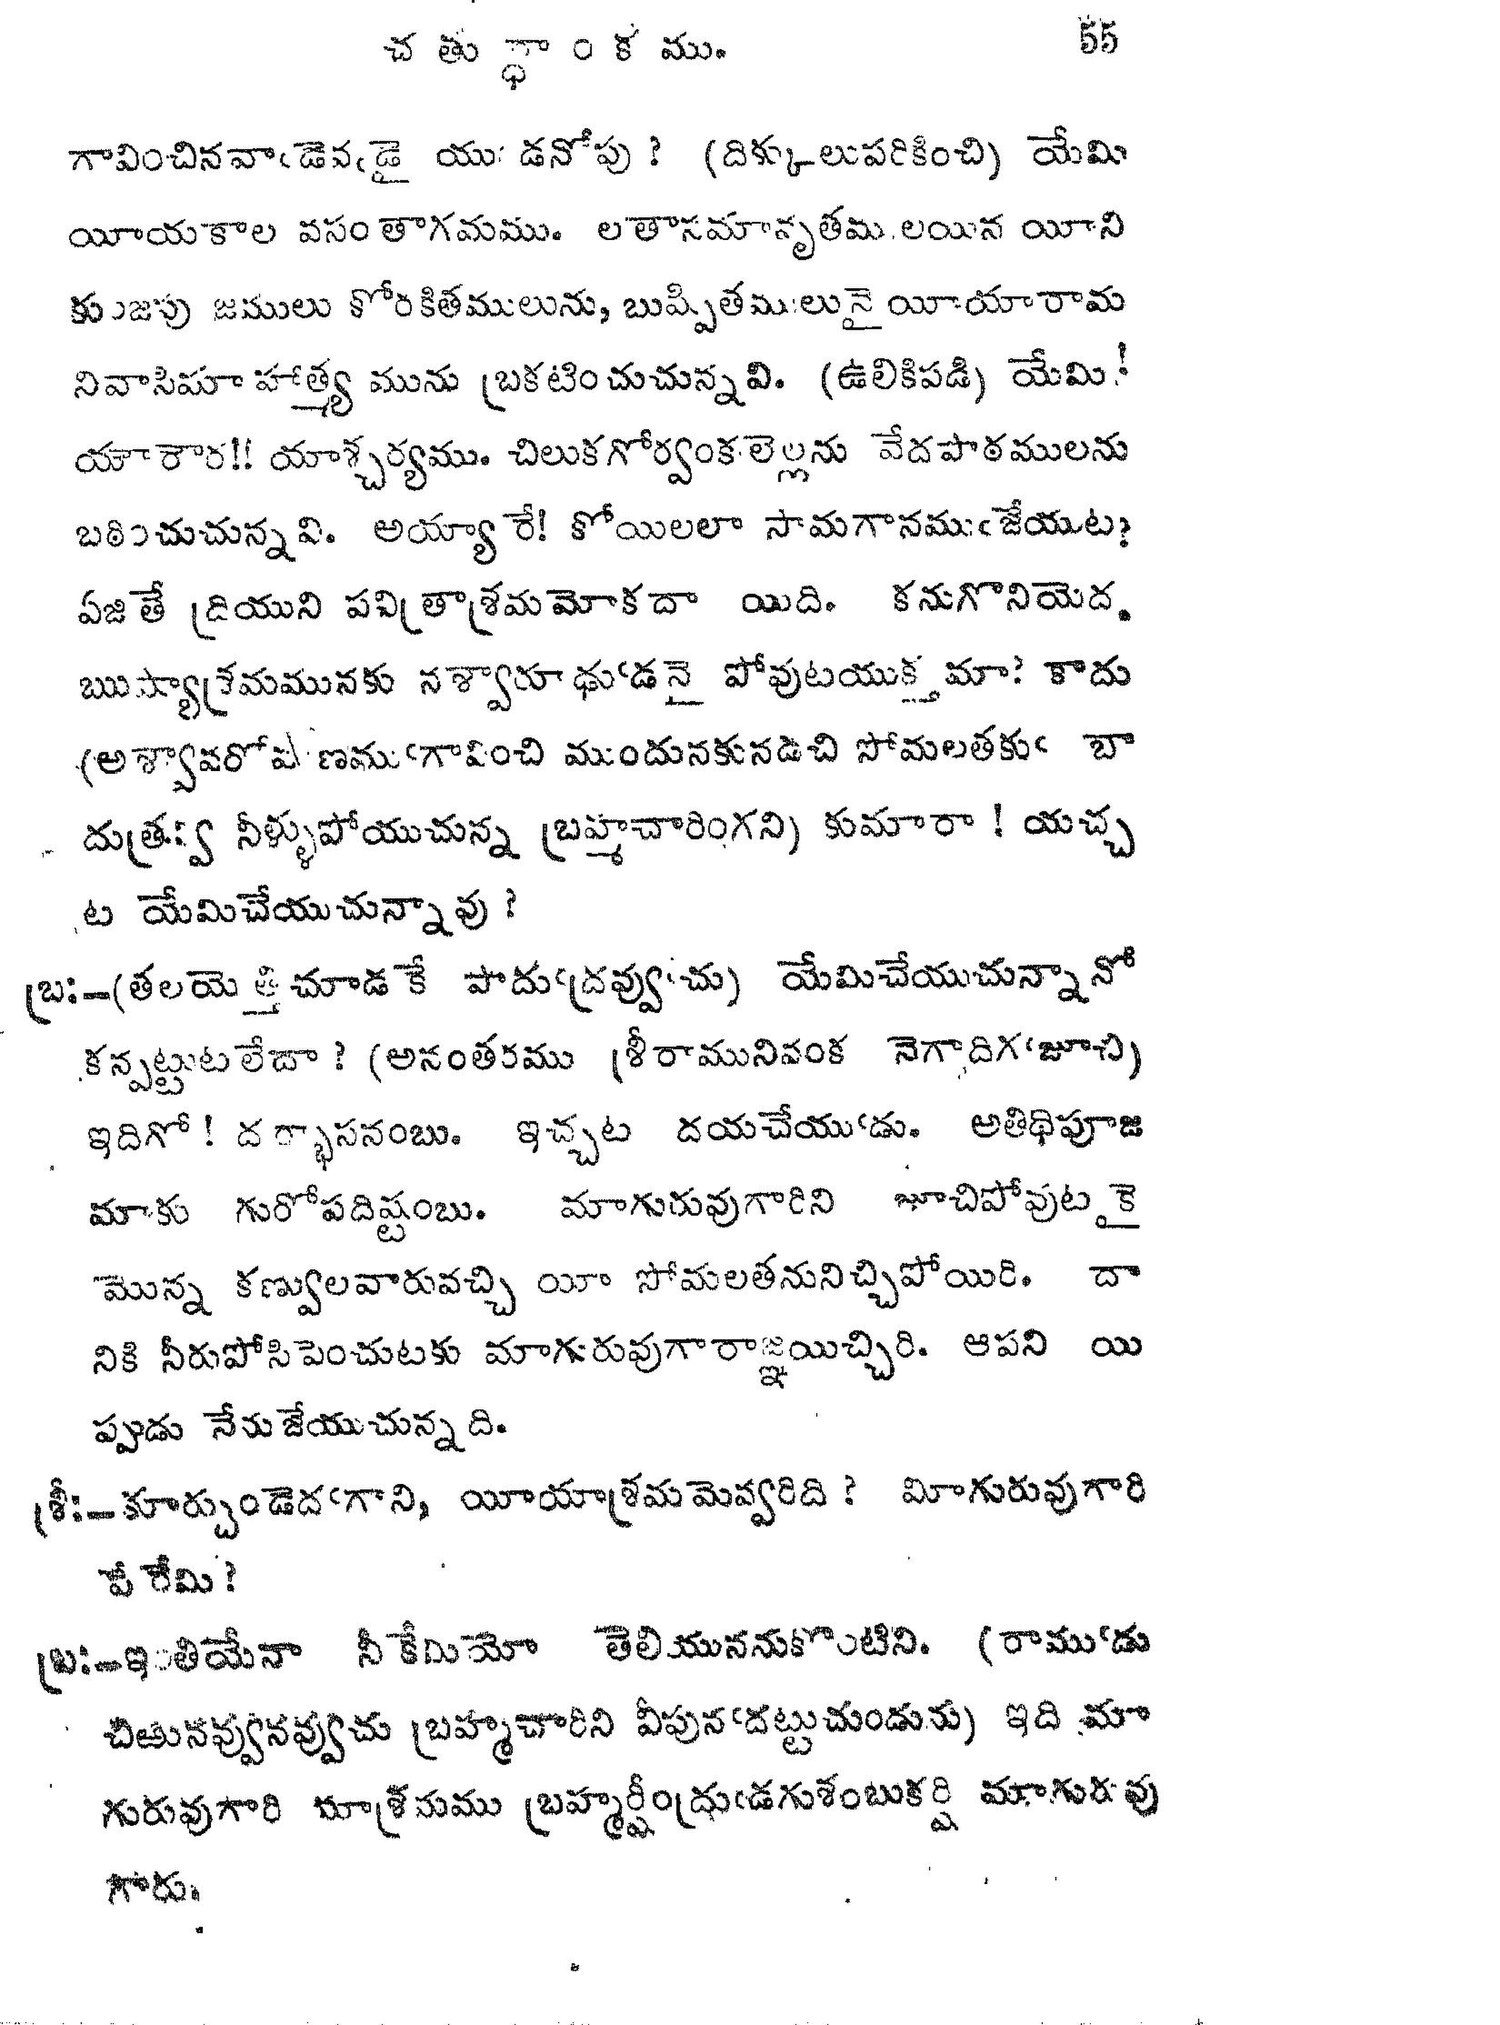గావించిన వాఁడెవఁడై యుండనోపు ! (దిక్కులు పరికించి) యేమి
 యీయకాల వసంతాగమము. లతాసమానృతము లయిన యీని
 కుంజుపుంజములు కోరికితములును, బుప్పితములునై యీ యారామ
 నివాస మాహాత్యమును బ్రకటించు చున్నవి. (ఉలికిపడి) యేమి !
 యౌరౌర!! యాశ్చర్యము. చిలుక గోర్వంక లెల్లను వేదపాఠములను
 బఠించుచున్నవి. అయ్యా రే! కోయిలలా సామగానముఁజేయుట,
 ఏజితేద్రియుని పవిత్రాశ్రమమోకదా యిది.కనుగొనియెద.
 ఋష్యాశ్రమమునకు నశ్వారూఢుడనై పోవుటయుక్త మా?: కాదు
 (అశ్వాపరణము గావించి ముందునకు నడిచి సోమలతకుఁ బా
 దుత్రవ్వి నీళ్ళు పోయుచున్న బ్రహచారింగని) కుమారా ! యచ్చ
 ట యేమిచేయు చున్నావు ?

బ్ర:- (తలయెత్తి చూడకే పొదుఁద్రవ్వుచు) యేమిచేయుచున్నానో
 కన్పట్టుట లేదా ! (అనంతరము శ్రీరాముని వంక నెగా దిగ జూచి)
 ఇదిగో ! ద ర్భాసనంబు. ఇచ్చట దయచేయుఁడు. అతిథిపూజ
 మాకు గురోపదిష్టంబు. మాగురువు గారిని జూచి పోవుటకై
 మొన్న కణ్వుల వారువచ్చి యీ సోమలతను నిచ్చిపోయిరి. దా
 నికి నీరుపోసి పెంచుటకు మాగురువుగా రాజ్ఞ యిచ్చిరి.ఆపని
 ప్పుడు నేను జేయుచున్నది.

శ్రీ:- కూర్పుండెద గాని, యీయాశ్రమ మెవ్వరిది ? మీగురువు గారి
 పేరేమి?

బ్ర: ఇంతీయేనా నీకేమియో తెలియుననుకొంటిని. (రాముఁడు
 చిఱునవ్వు నవ్వుచు బ్రహ్మచారీని వీపున దట్టుచుండును. ఇది మా
 గురువుగారి యాశ్రమము బ్రహ్మర్షీంద్రుఁడగుశంబుకర్షి మాగురువు 
 గారు.